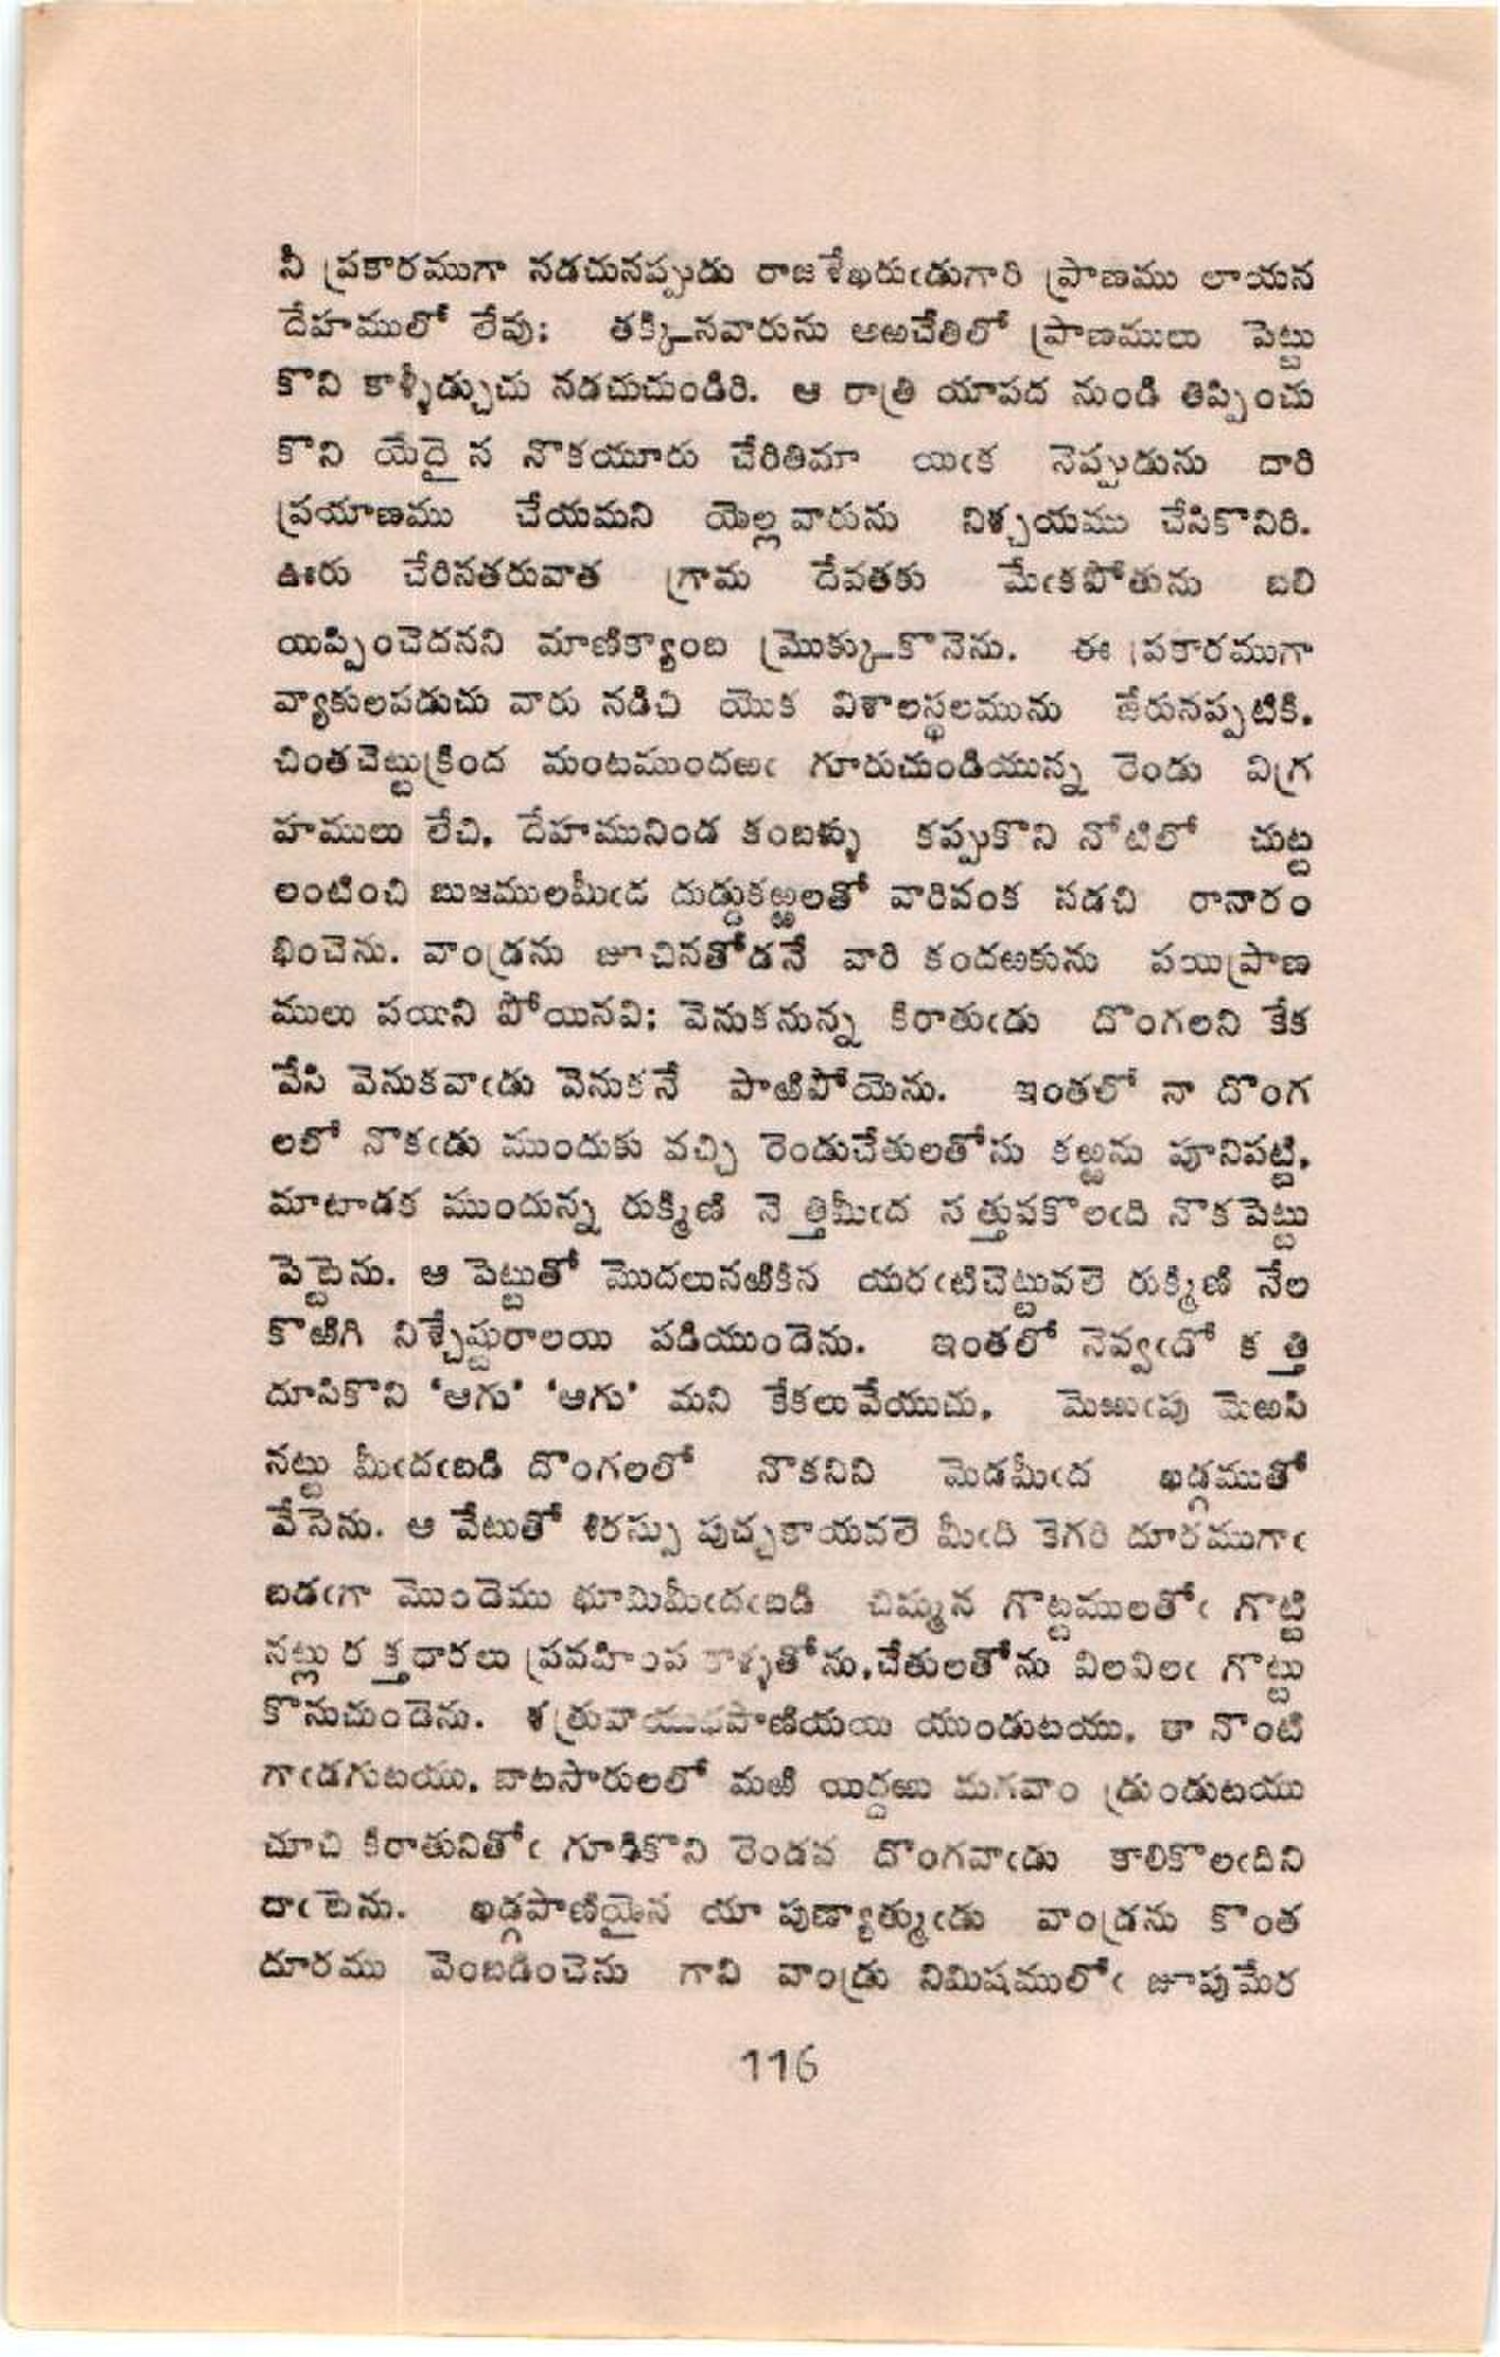నీ ప్రకారముగా నడచునప్పుడు రాజశేఖరుఁడుగారి ప్రాణము లాయన దేహములో లేవు; తక్కినవారును అఱచేతిలో ప్రాణములు పెట్టు కొని కా 
ళ్ళీడ్చుచు నడచుచుండిరి. ఆ రాత్రి యాపద నుండి తిప్పించు కొని యేదైన నొకయూరు చేరితిమా యిఁక నెప్పడును దారి ప్రయాణము చేయమని యెల్లవారును నిశ్చయము చేసికొనిరి. ఊరు చేరినతరువాత గ్రామ దేవతకు మేకపోతును బలి యిప్పించెదనని మాణిక్యాంబ మ్రొక్కుకొనెను. ఈ 
ప్రకారముగా వ్యాకులపడుచు వారు నడిచి యొక విశాల స్థలమును జేరునప్పటికి, చింతచెట్టు క్రింద మంట ముందఱఁ గూరుచుండియున్న రెండు విగ్ర హములు లేచి, దేహమునిండ కంబళ్ళు కప్పుకొని నోటిలో చుట్ట లంటించి బుజములమీఁద దుడ్డుకఱ్ఱలతో వారివంక నడచి రానారం భించెను. వాండ్రను జూచినతోడనే వారి కందఱకును పయిప్రాణ ములు పయిని పోయినవి; వెనుకనున్న కిరాతుఁడు దొంగలని కేక వేసి వెనుకవాఁడు వెనుకనే పాఱిపోయెను. ఇంతలో నా దొంగ లలో నొకఁడు ముందుకు వచ్చి రెండుచేతులతోను కఱ్ఱను పూనిపట్టి, మాటాడక ముందున్న రుక్మిణి నెత్తిమీఁద సత్తువకొలఁది నొకపెట్టు పెట్టెను. ఆ పెట్టుతో మొదలు నఱికిన యరcటిచెట్టు వలె రుక్మిణి నేల కొఱిగి నిశ్చేష్టురాలయి పడియుండెను. ఇంతలో నెవ్వఁడో కత్తి దూసికొని ఆగు ఆగు మని కోకలు వేయుచు, మెఱుపు మెఱిసి నట్టు మీఁదఁబడి దొంగలలో నొకనిని మెడమీఁద ఖడ్గముతో వేసెను. ఆ వేటుతో శిరస్సు పుచ్చకాయవలె మీఁది కెగరి దూరముగా బడఁగా మొండెము భూమిమీఁదఁబడి చిమ్మన గొట్టములతో గొట్టి నట్లు రక్తధారలు ప్రవహింప కాళ్ళతోను, చేతులతోను విలవిల గొట్టు కొనుచుండెను. శత్రువాయుభపాణియయి యుండుటయు, తా నొంటి గాఁడగుటయు, బాటసారులలో మఱి యిద్దఱు మగవాం డ్రుండుటయు చూచి కిరాతునితోఁ గూడికొని రెండవ దొంగవాఁడు కాలికొలఁదిని దాఁటెను. ఖడ్గపాణియైన యా పుణ్యాత్ముడు వాండ్రను కొంత దూరము వెంబడించెను గాని వాండ్రు నిమిషములోఁ జూపుమేర